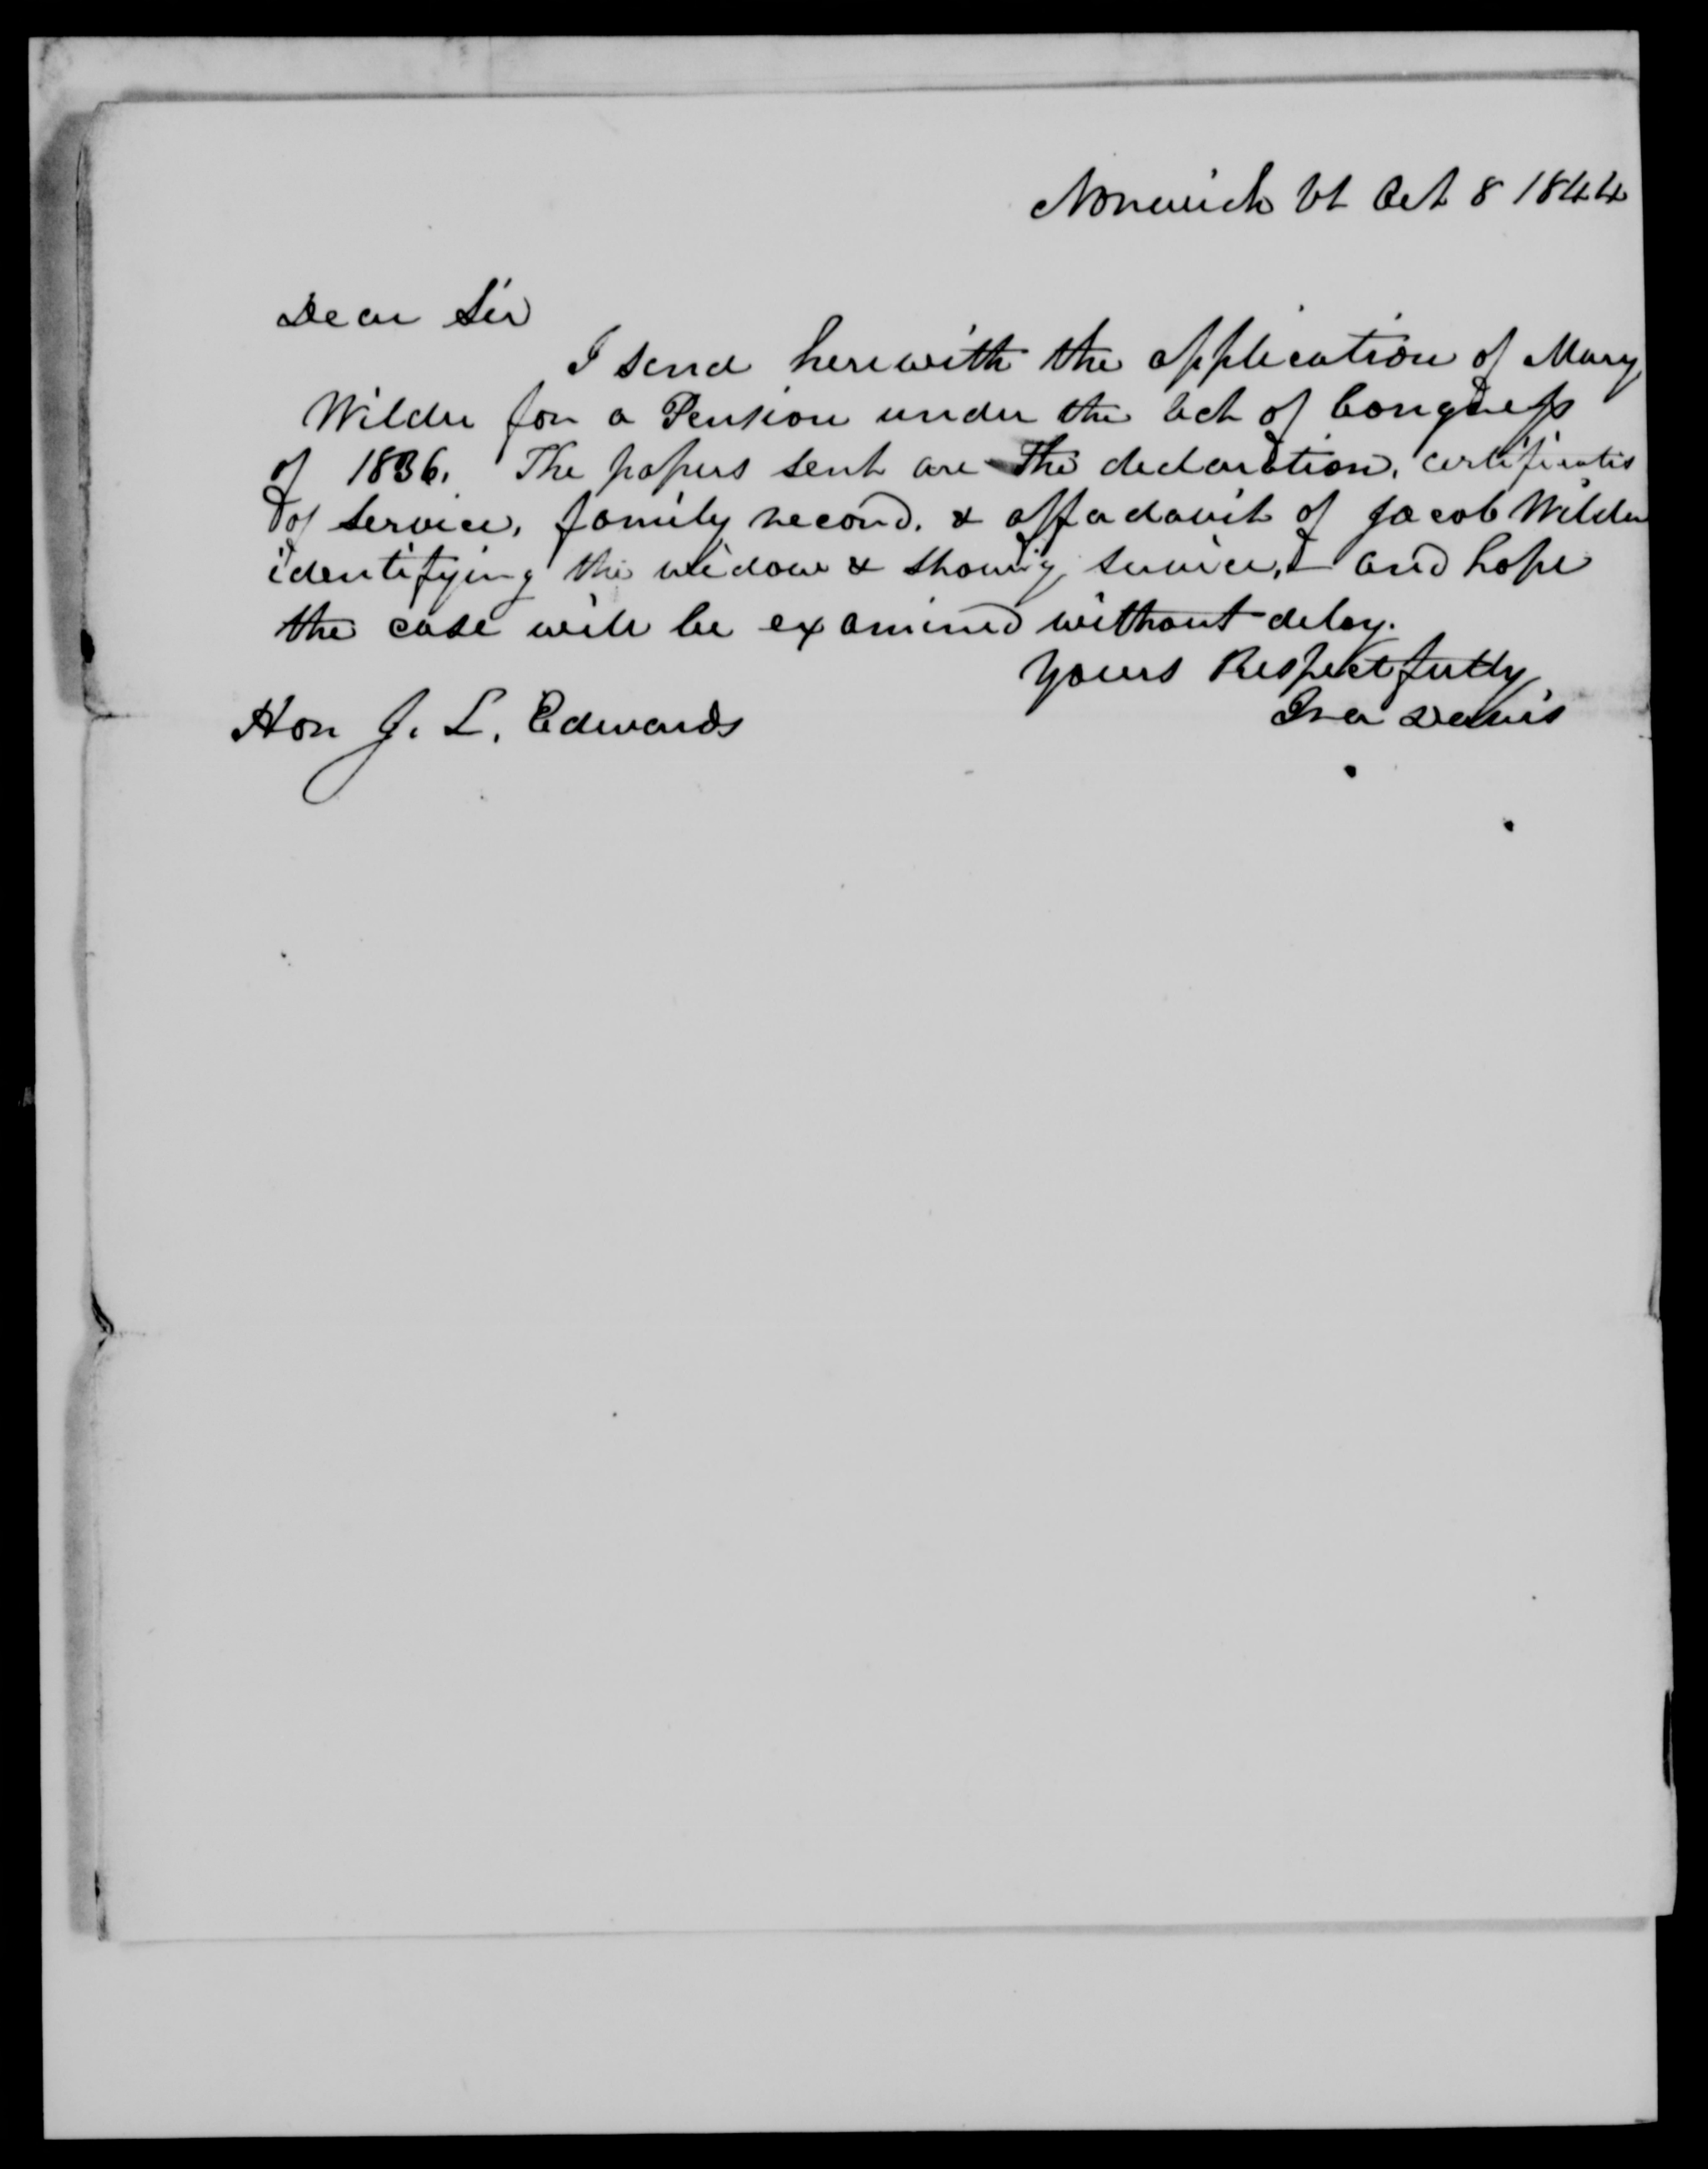Norwich Vt Oct 8 1844
Dear Sir
I send herewith the application of Mary Wilder for a Pension under the Act of Congress of 1836. The papers sent are the declaration, certificates for service, family record, & affidavits of Jacob Wilder identifying the widow & showing service, and hope the case will be examined without delay.
Yours Respectfully,
Hon J. L. Edwards   Ira Davis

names: Jacob Wilder, Ira Davis, J L Edwards, Mary Wilder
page: 22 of 40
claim: widow's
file: W. 18,426, Abel Wilder, Mass. N.H. Vt.